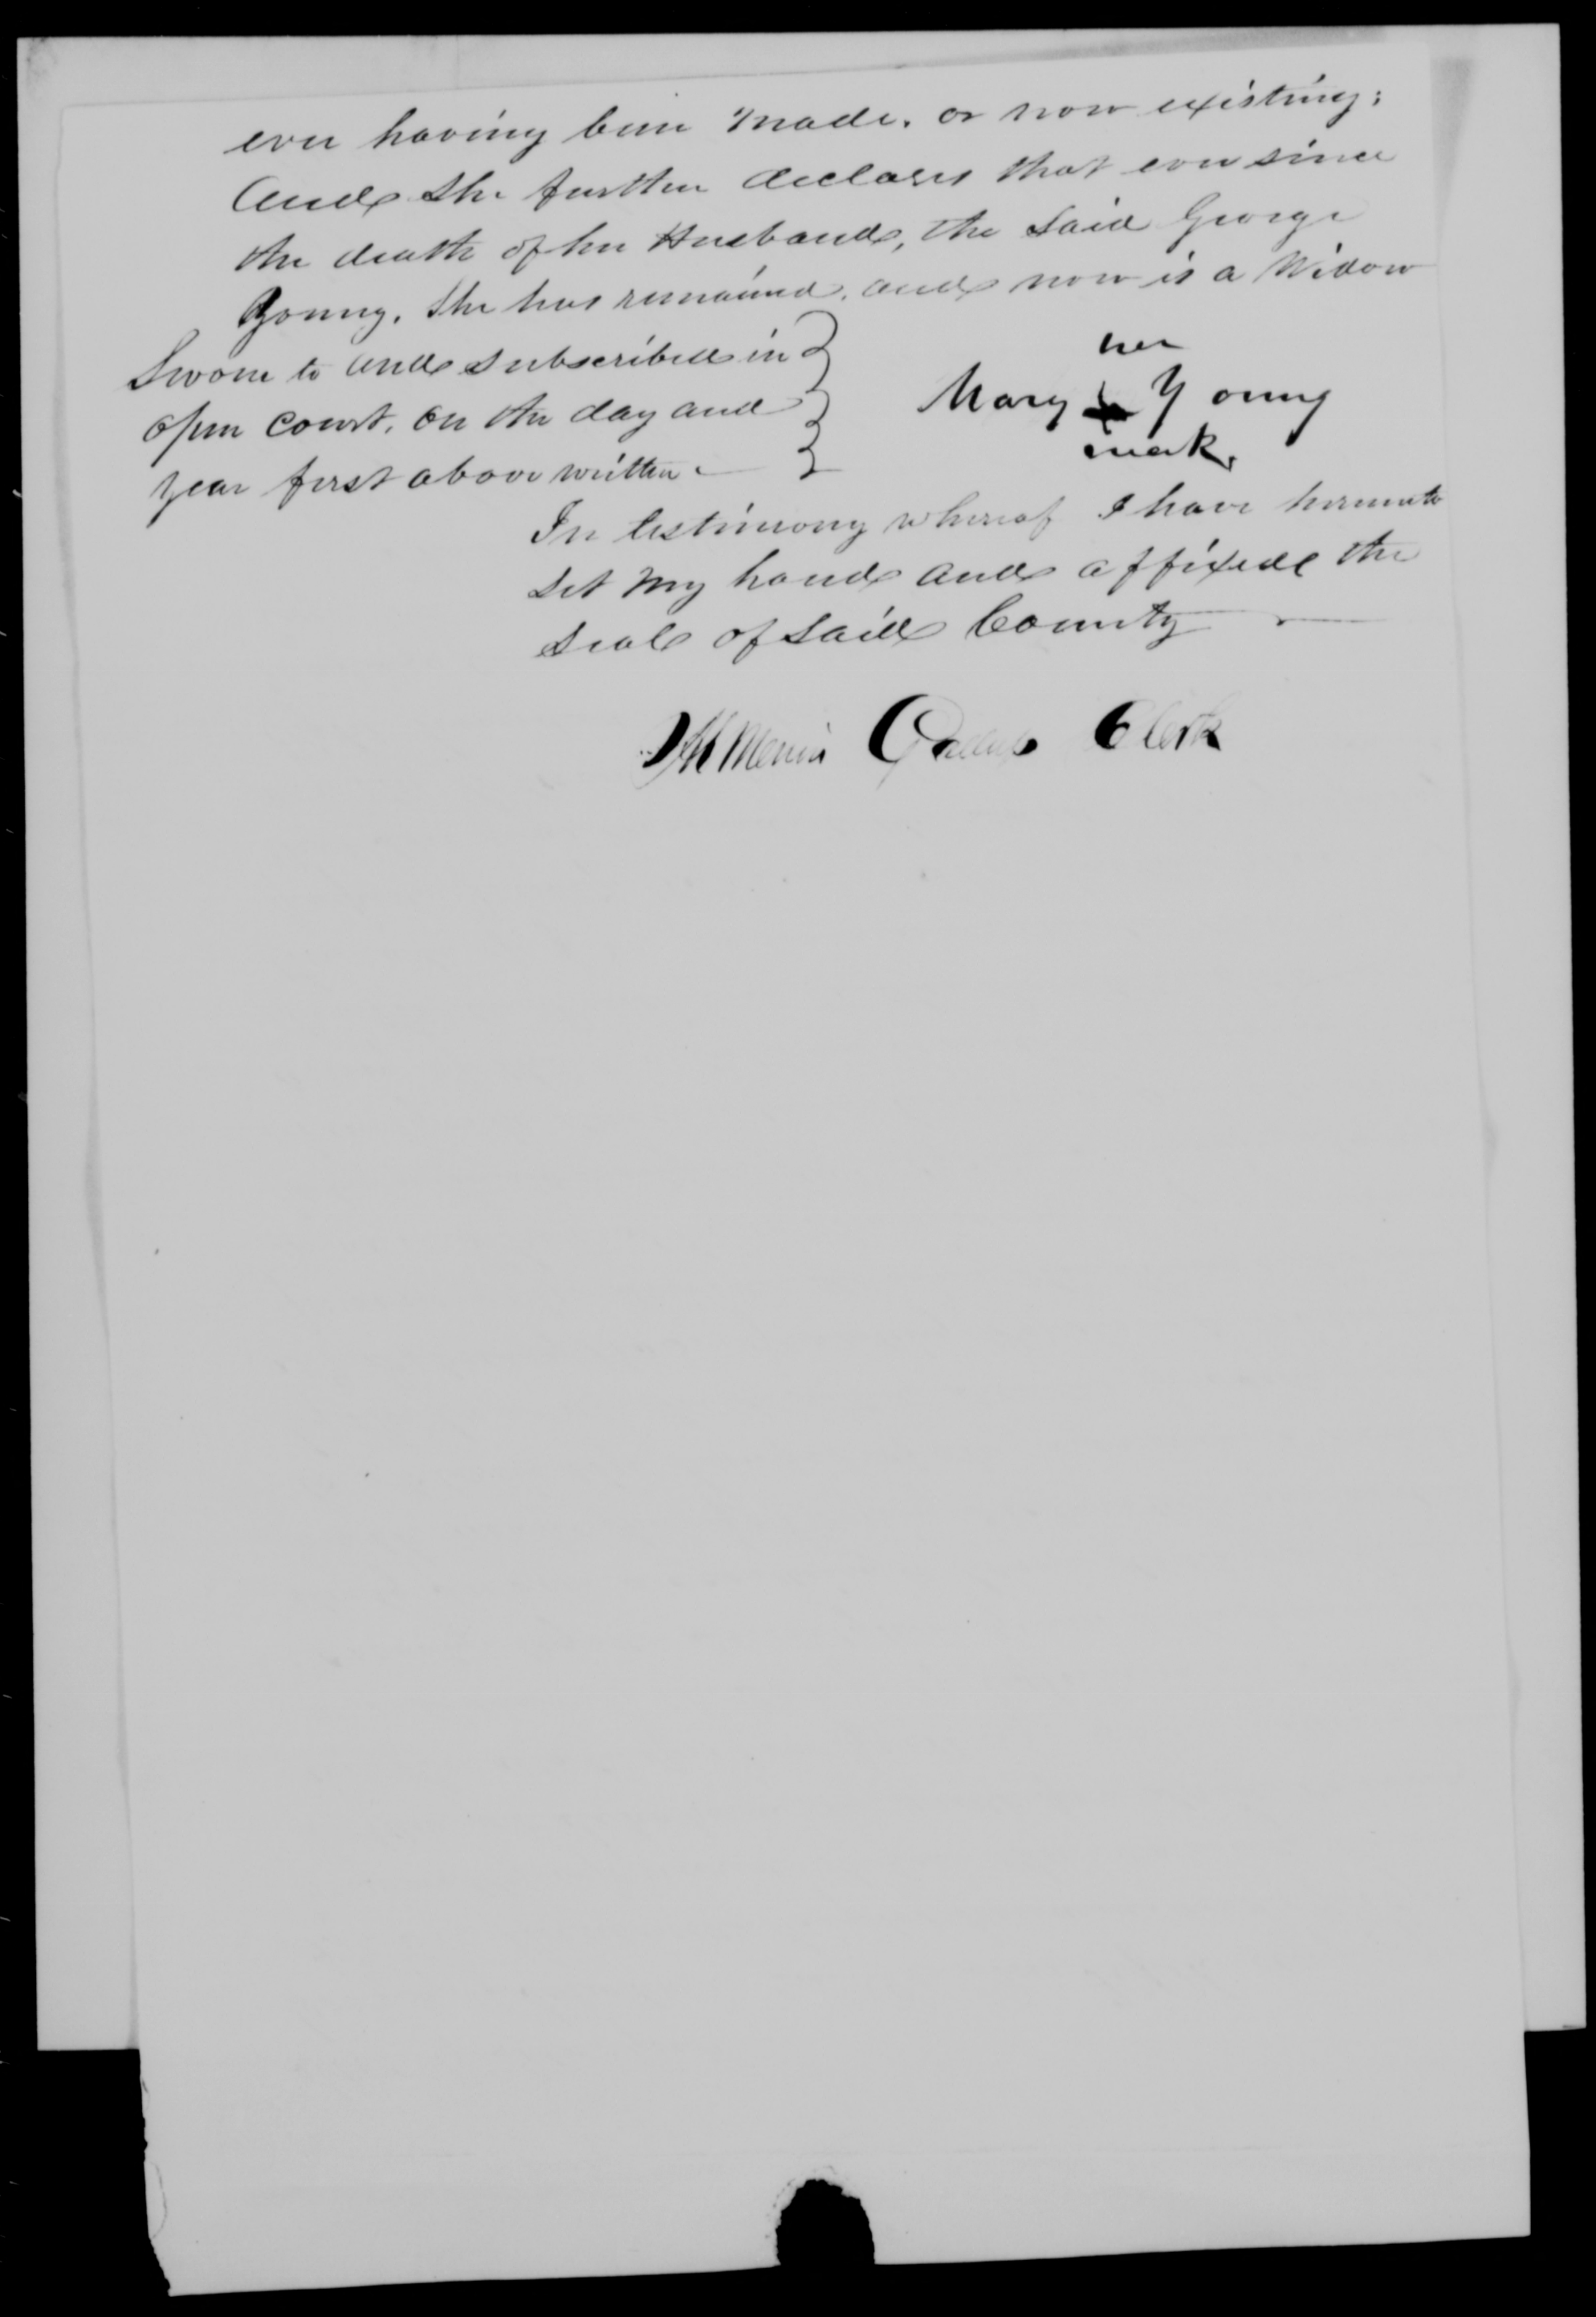having been made, or now existing
and she further declares that ever since
the death of her Husband, the said George
Young. she has remained, and now is a Widow
one to and subscribed in
her
Court, on the day and
Mary
Young
first above written mark

In testimony whereof I have hereunto
set my hand and affixed this
seal of said County
Almerin Gallup Clerk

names: George Young, Almerin Gallup, Mary Young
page: 15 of 67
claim: widow's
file: W. 7379, George Young, New Jersey